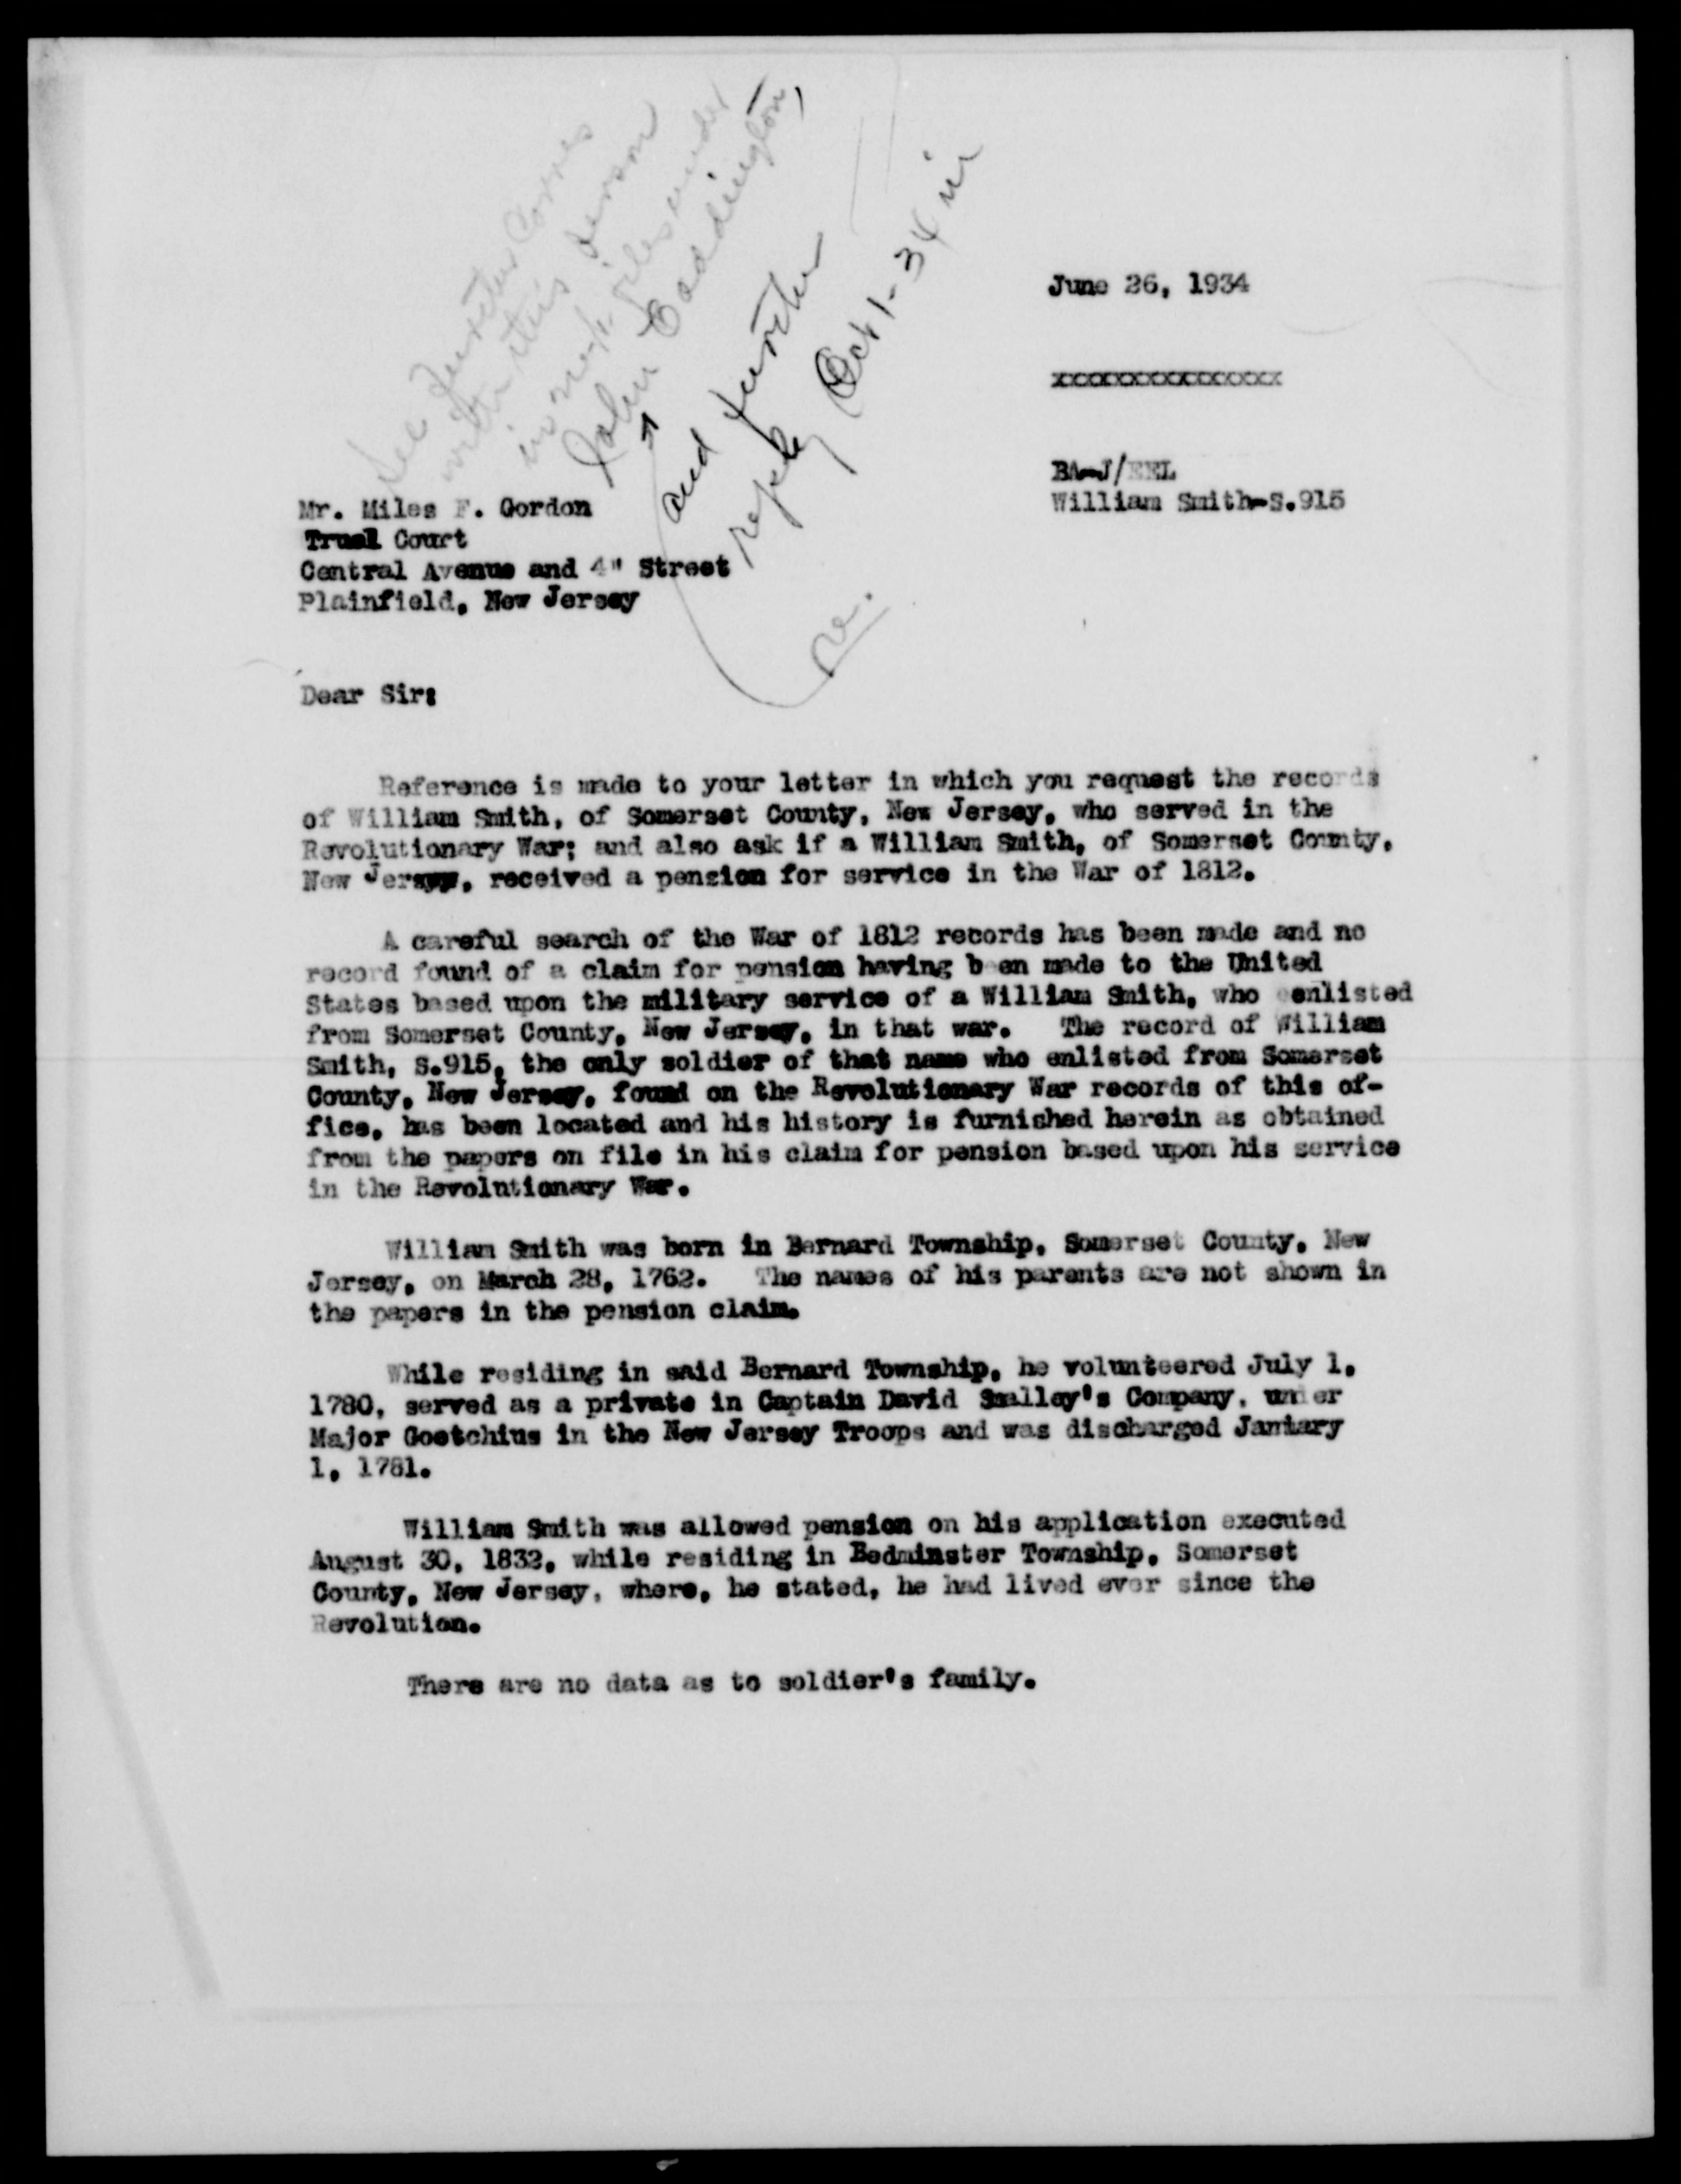June 26, 1934

XXXXXXXXXXX

[Ineligible] TEEL
William Smith S.915


Mr. Miles F. Gordon
Trial Court
Central Avenue and 4 " Sir
Plainfield, New Jersey

Dear Sir:
Reference is made to your letter in which you request the records of William Smith, of Somerset County, New Jersey, who served in the Revolutionary War; and also ask if a William Smith, of Somerset County, New Jersey, received a pension for service in the War of 1812.

A careful search of the War of 1812 records has been made and no
record found of a claim for pension having been made to the United States
based upon the military service of a William Smith, who enlisted
from Somerset County, New Jersey, in that war. The record of William
Smith, 3,915, the only soldier of that name who enlisted from Somerset
County, New Jersey, found on the Revolutionary War records of this of
fice, has been located and his history is furnished herein as obtained
from the papers on file in his claim for pension based upon his service
in the Revolutionary War.

William Smith was born in Bernard Township, Somerset County, New Jersey
, on March 28, 1762. The names of his parents are not shown in
the papers in the pension claim.

William Smith was allowed pension on his application executed
August 30, 1832, while residing in Bedminster Township, Somerset
County, New Jersey, where, he stated, he had lived ever since the
Revolution.

There are no data as to soldier's family.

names: William Smith; William Smith; William Smith; John Coddington; [BLANK] Goetchius; William Smith; William Smith; William Smith; Miles F Gordon; William Smith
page: 16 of 27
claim: survivor's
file: S. 915, for William Smith, New Jersey